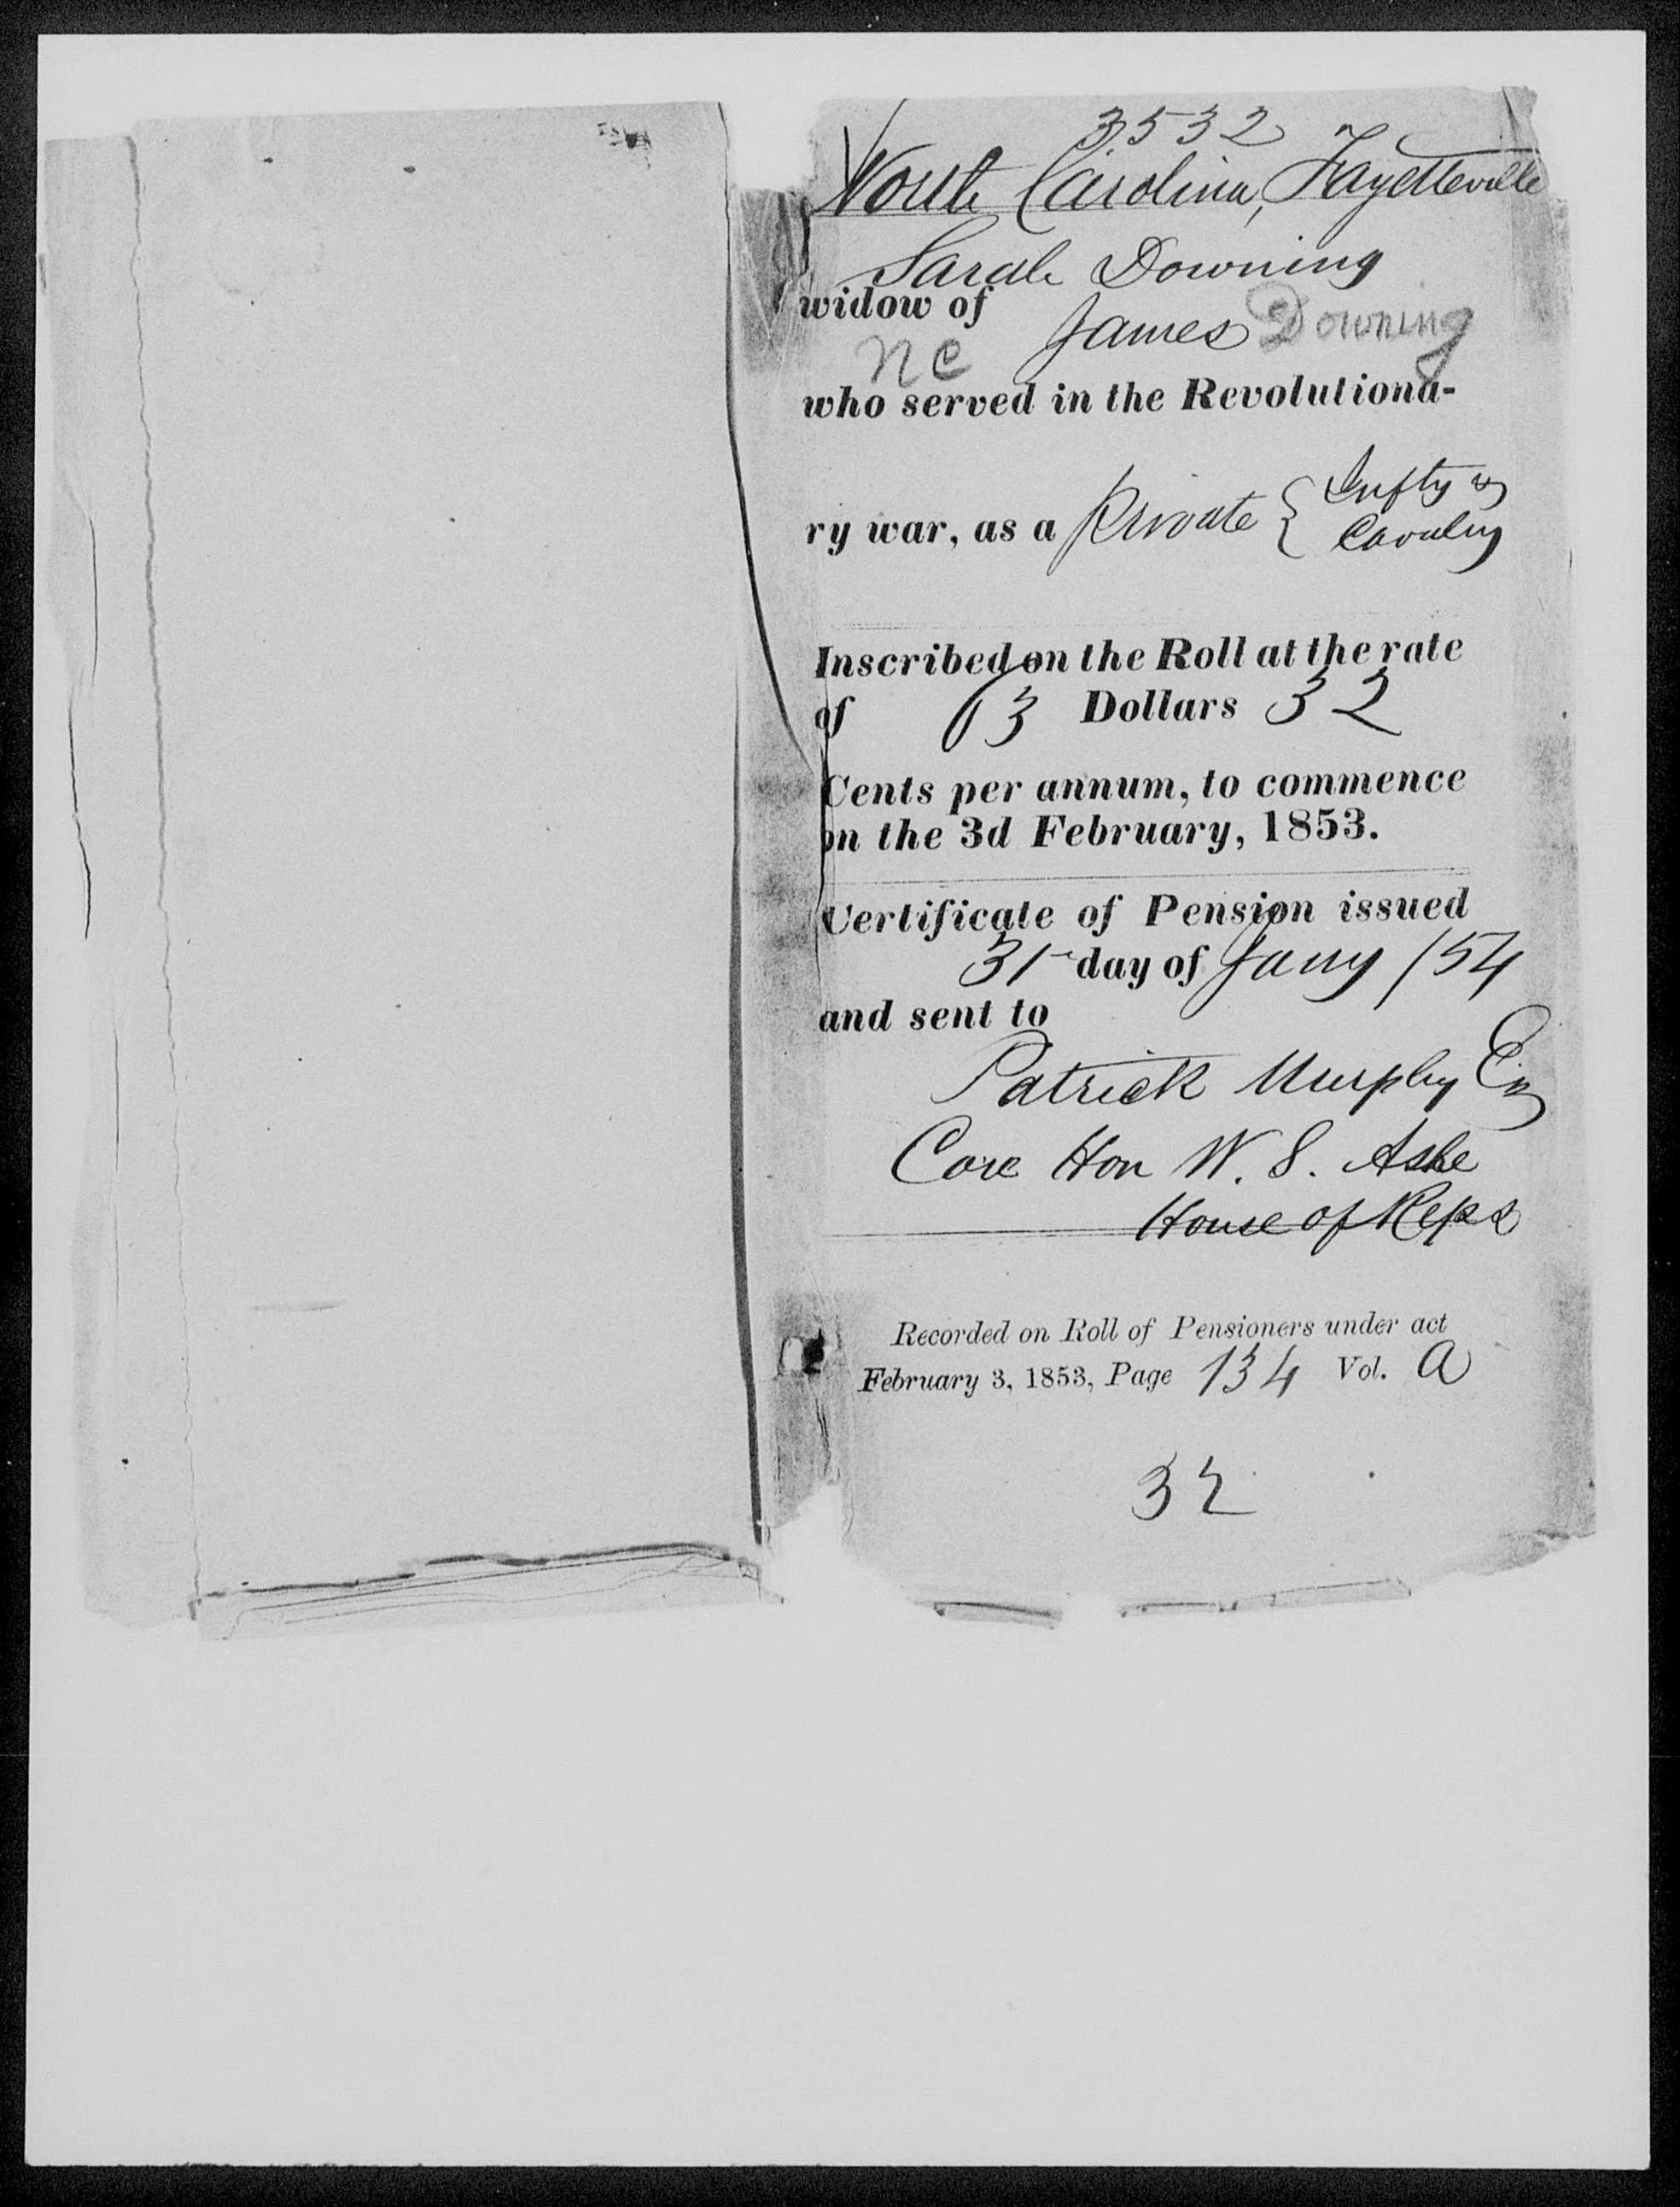3532
South Carolina, Fayetteville
I, Sarah Downing widow of James Downing  NC who served in the Revolutionary war as a private  {Infantry 
                Cavalry
Inscribed on the Roll at the rate of 63 Dollars 32 Cents per annum, to commence on the 3d February, 1853

Verification of Pension issued 31 day of July/54 and sent to
Patrick Murphy Esq
Care Hon. W.S. Ashe
House of Reps

Recorded on Roll of Pensioners under act February 3, 1853, Page 134. Vol. A
32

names: James Downing, Patrick Murphy, W S Ashe, Sarah Downing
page: 2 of 43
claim: widow's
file: W. 25536, James Downing, N.C.